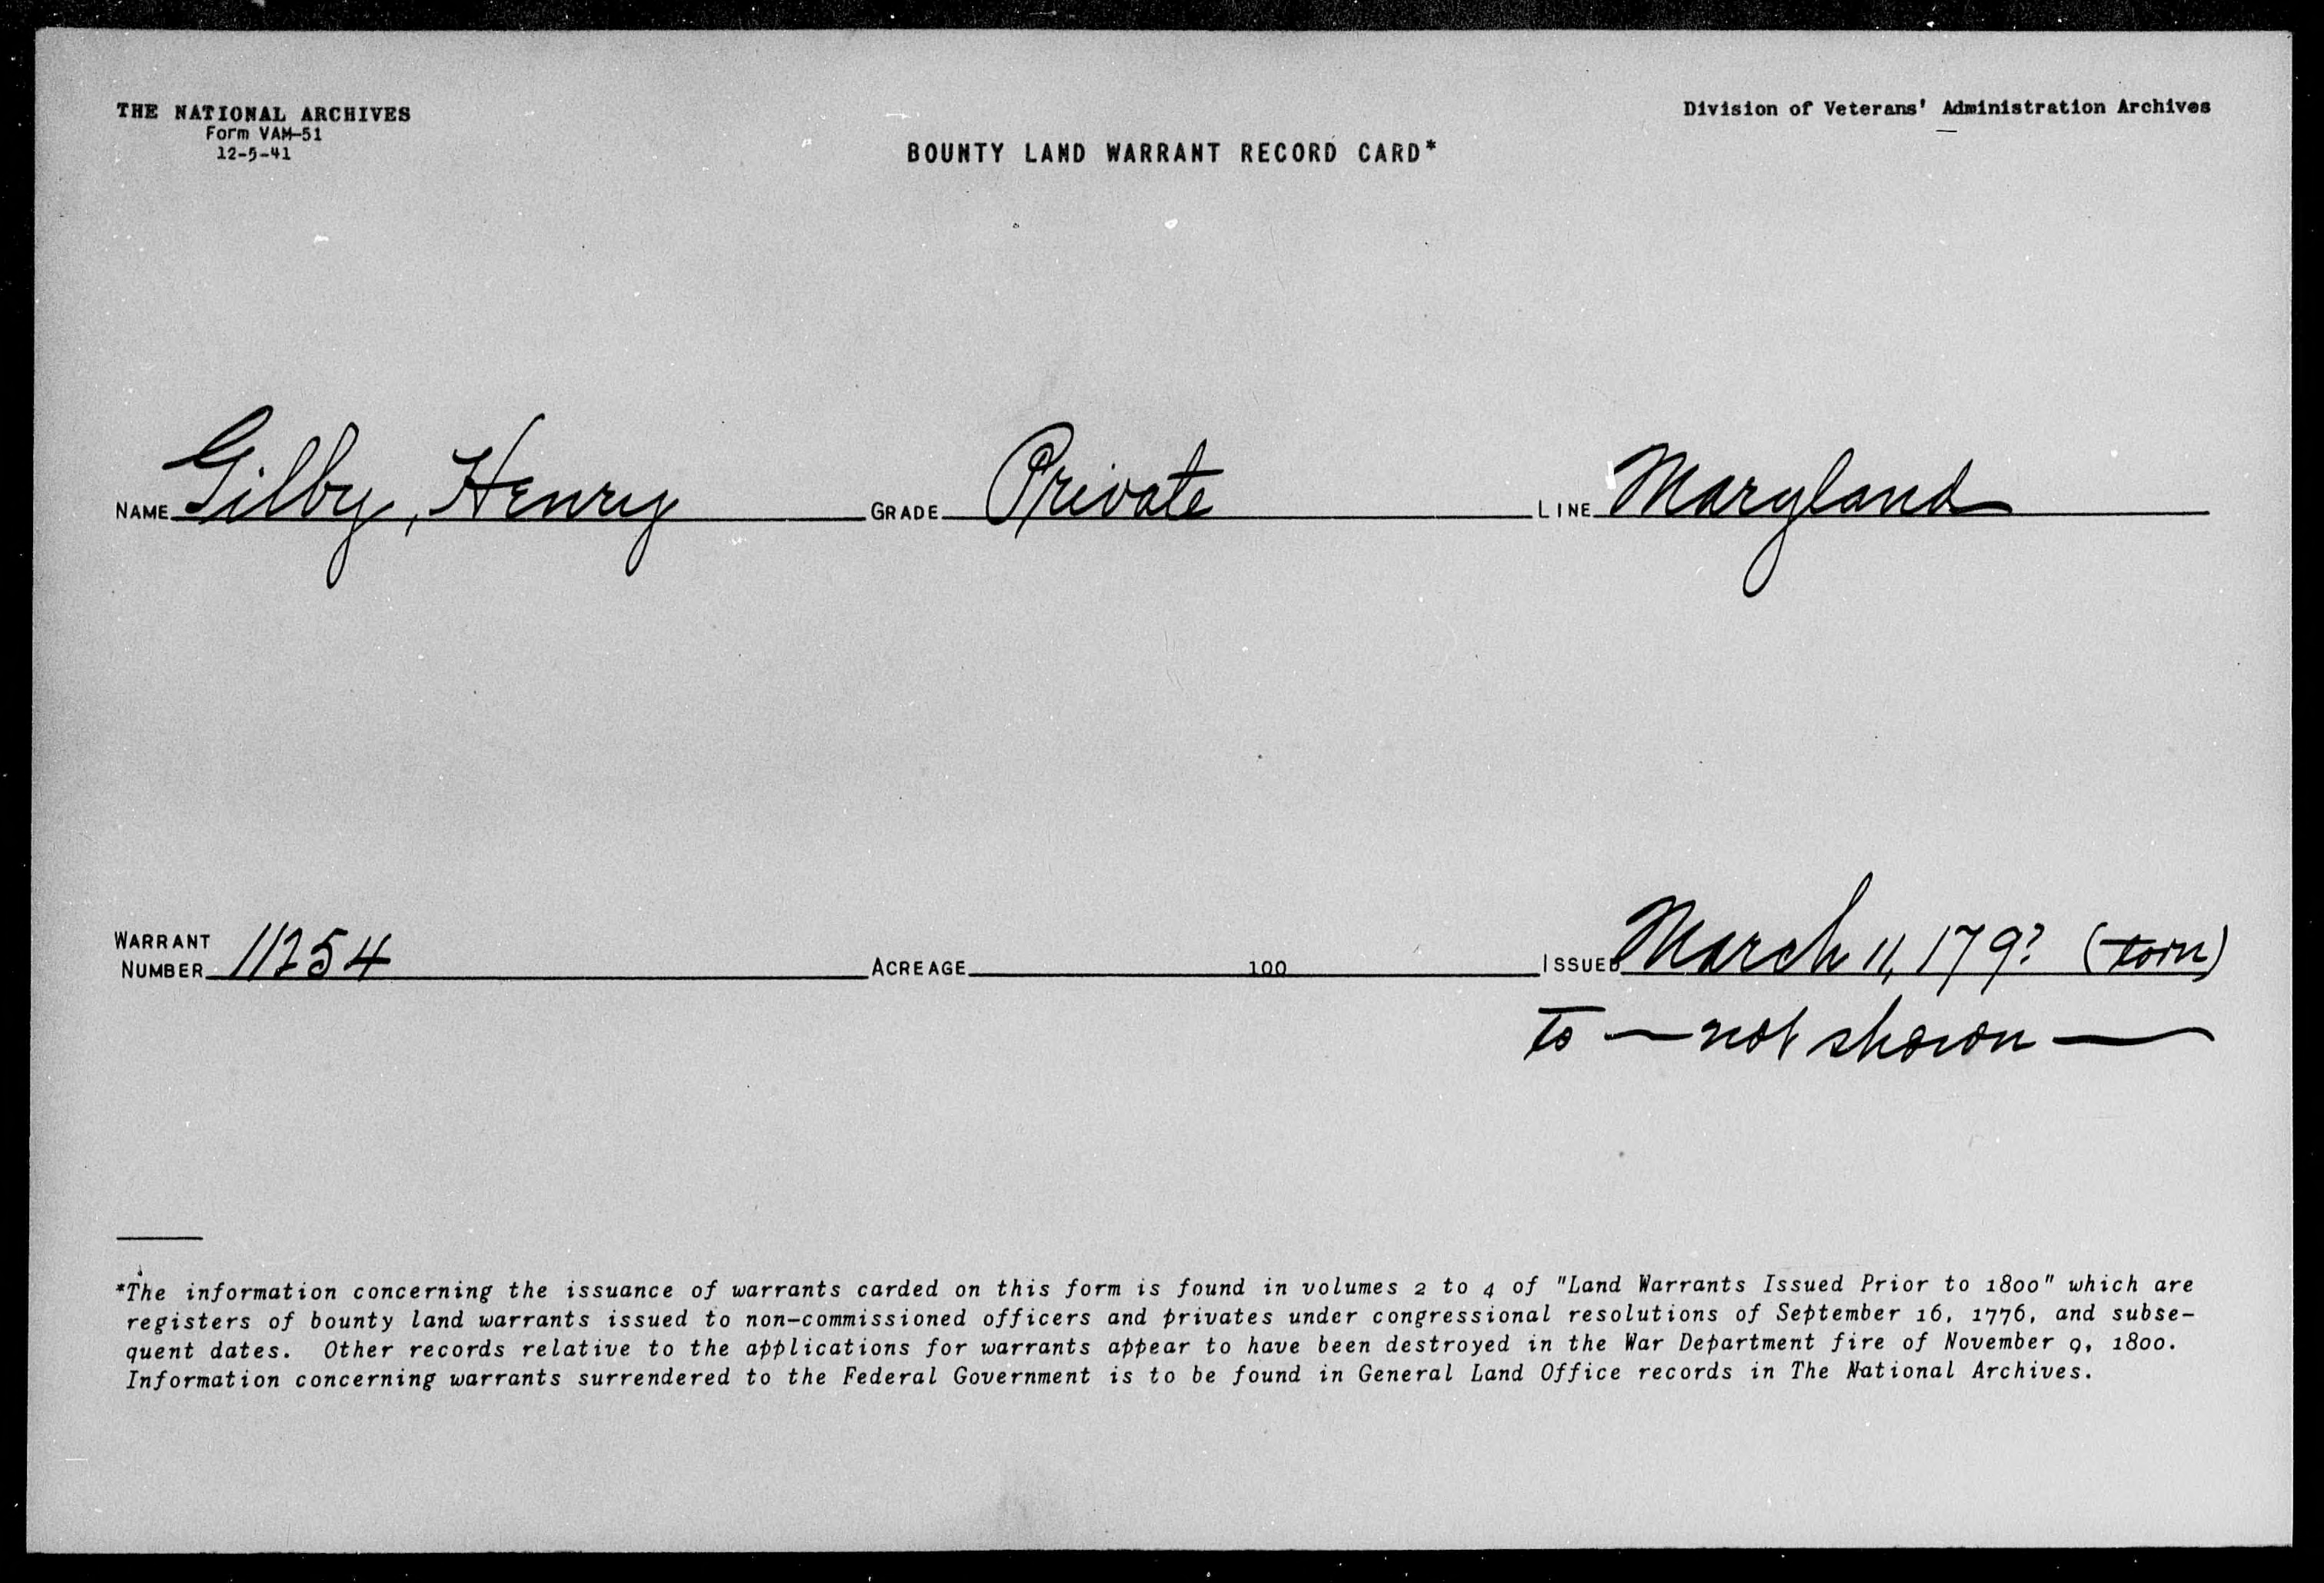THE NATIONAL ARCHIVES   Division of Veterans' Administration Archives
Form VAN-51
12-5-41     BOUNTY LAND WARRANT RECORD CARD*

NAME  Gilby, Henry GRADE  Private  LINE   Maryland


WARRANT
NUMBER  11254 ACREAGE 100  ISSUED March 11, 179? (torn)
to -- not shown ---
_____
*The information concerning the issuance of warrants carded on this form is found in volumes 2 to 4 of "Land Warrants Issued Prior to 1800" which are registers of bounty land warrants issued to non-commissioned officers and privates under congressional resolutions of September 16, 1776, and subsequent dates.  Other records relative to the applications for warrants appear to have been destroyed in the War Department fire of Nov ember 9, 1800.  Information concerning warrants surrendered to the Federal Government is to be found in General Land Office records in the national Archives.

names: Henry Gilby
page: 23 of 24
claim: survivor's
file: S. 38727, Thomas Gilbreath, Penn.